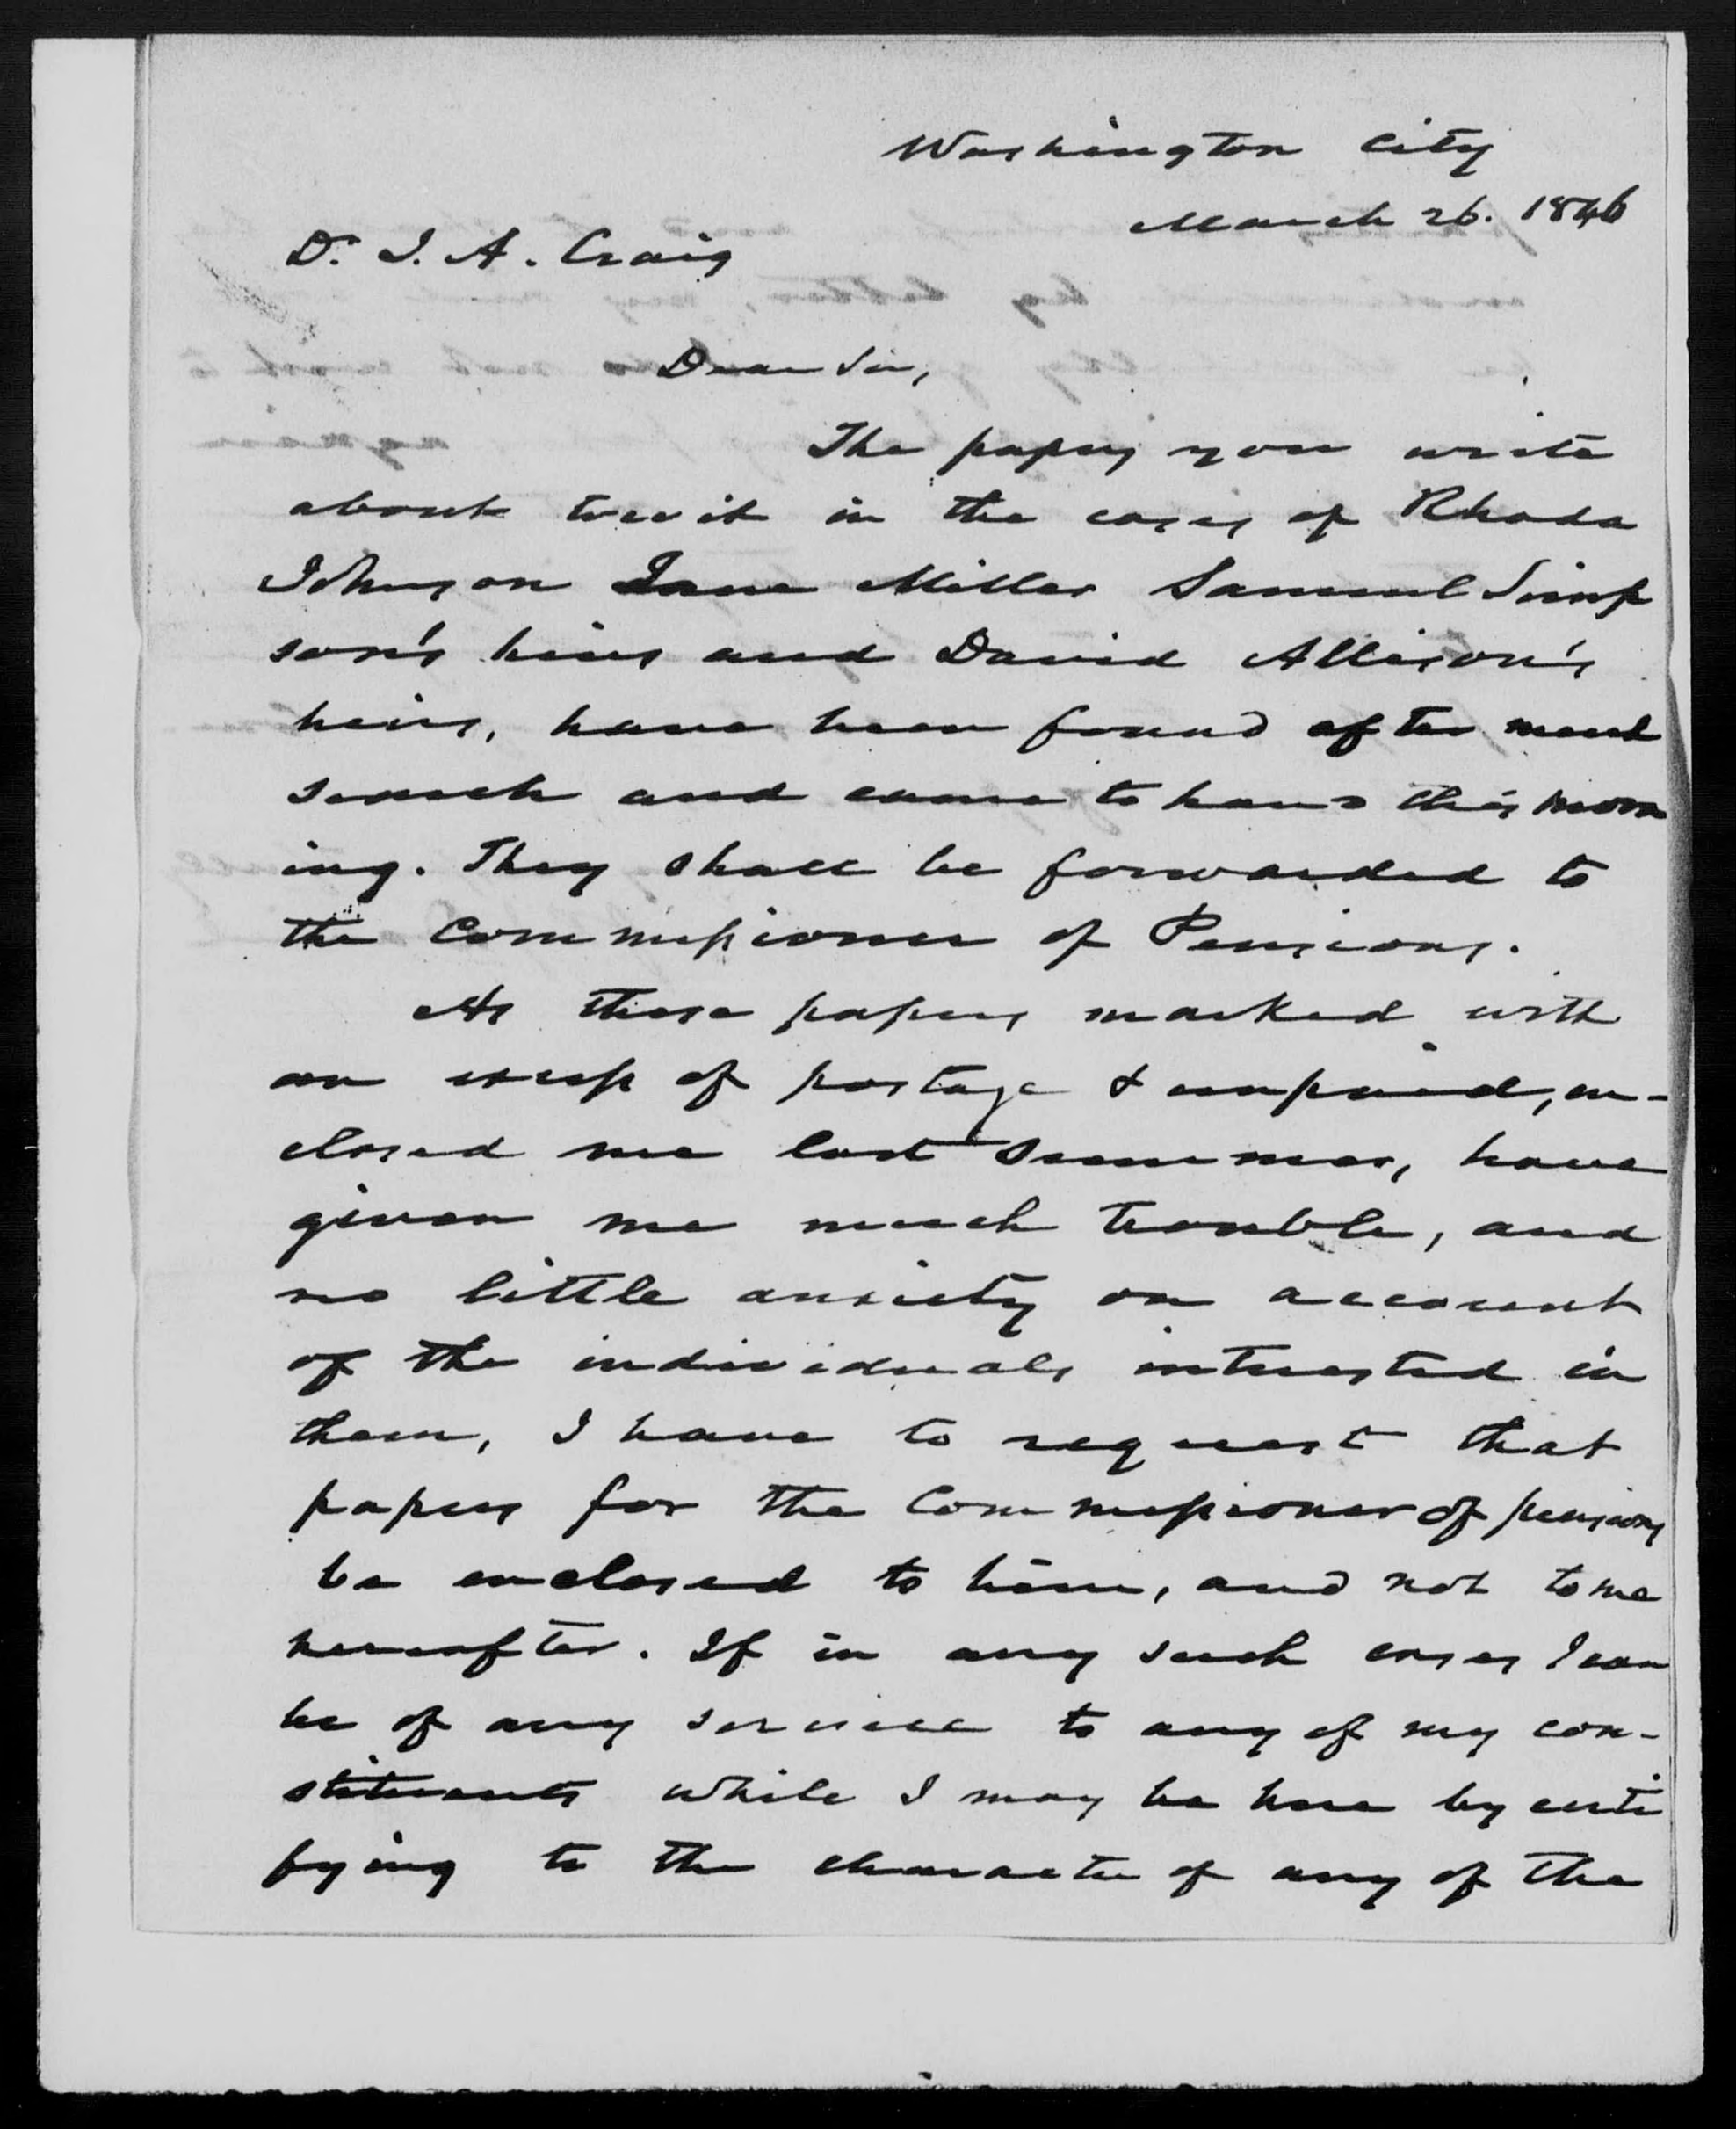Washington City
March 26. 1846

Dr. J.A. Craig
Dear Sir, 
The papers you write about to wit in the care of Rhoda Thompson, Jane Miller, Samuel Simpson's heirs and David Allison's heirs, have been found after much [illegible] and [illegible].
They shall be forwarded to the Commissioner of Pensions.
As those papers marked with [illegible]  of postage and unpaid, enclosed are last [illegible] have given me much trouble and no little anxiety on account of the individuals interested in them, I have to request that papers for the commissioner of pensions be enclosed to him, and not to me hereafter.  If in any such cases I can be of any service to any of my constituents while I may be here by certifying to the claimants of any of the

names: Samuel Simpson, Rhoda Johnson, Jane Miller, David Allison, J A Craig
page: 24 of 33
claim: rejected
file: R. 155, David Allison, N.C.